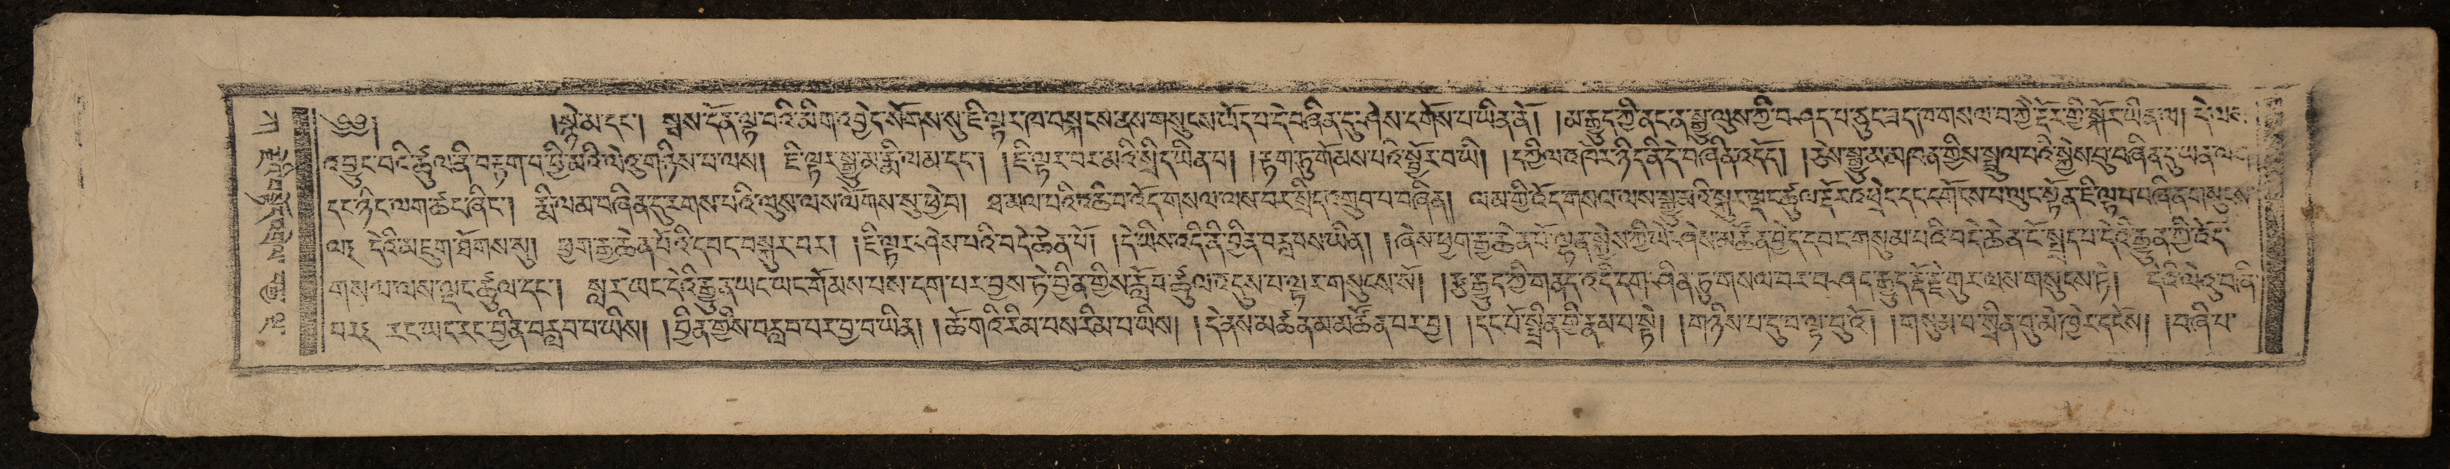༄༅། །སྙེ་མ་དང་། སྦས་དོན་ལྟ་བའི་མིག་འབྱེད་སོགས་སུ་ཇི་ལྟར་ཁ་བསྐངས་ནས་གསུངས་ཡོད་པ་དེ་བཞིན་དུ་ཤེས་དགོས་པ་ཡིན་ནོ། །མ་རྒྱུད་ཀྱི་ནང་ན་སྒྱུ་ལུས་ཀྱི་བཤད་པ་ཅུང་ཟད་ཁ་གསལ་བ་ཀྱཻ་རྡོར་གྱི་སྐོར་ཡིན་ལ། དེ་ལས་
འབྱུང་པའི་ཚུལ་ནི་བརྟག་པ་ཕྱི་མའི་ལེའུ་གཉིས་པ་ལས། ཇི་ལྟར་སྒྱུ་མ་རྨི་ལམ་དང་། །ཇི་ལྟར་བུར་མའི་སྲིད་ཡིན་པ། །རྟག་ཏུ་གོམས་པའི་སྦྱོར་བ་ཡི། །དཀྱིལ་འཁོར་ཉིད་ནི་དེ་བཞིན་འདོད། །ཅེས་སྒྱུ་མ་མཁན་གྱིས་སྦྲུལ་པའི་སྐྱེས་བུ་བཞིན་དུ་ཡན་ལག་
དང་ཉིད་ལག་ཚང་ཞིང་། རྨི་ལམ་བཞིན་དུ་རགས་པའི་ལུས་ལས་ལོགས་སུ་ཕྱེ་བ། ཐ་མལ་པའི་འཆི་བ་འོད་གསལ་ལས་བར་སྲིད་འགྲུབ་པ་བཞིན། ལམ་གྱི་འོད་གསལ་ལས་སྒྱུ་མའི་སྐུར་ལྡང་ཚུལ་རྡོར་འཕྲེང་དང་དགོངས་པ་ལུང་སྟོན་ཇི་ལྟ་བ་བཞིན་གསུངས་
ལ༑ དེའི་མཇུག་ཐོགས་སུ། ཕྱག་རྒྱ་ཆེན་པོའི་དབང་བསྐུར་བར། །ཇི་ལྟར་ཤེས་པའི་བདེ་ཆེན་པོ། །དེ་ཡིས་འདི་ནི་བྱིན་རླབས་ཡིན། །ཞེས་ཕྱག་རྒྱ་ཆེན་པོ་ལྷན་སྐྱེས་ཀྱི་ཡེ་ཤེས་མཚོན་བྱེད་དབང་གསུམ་པའི་བདེ་ཆེན་ངོ་སྦྲང་པ་དེའི་རྒྱུན་གྱི་འོད་
གསལ་ལས་ལྡང་ཚུལ་དང་། སླར་ཡང་དེའི་རྒྱུན་ཡང་ཡང་གོམས་པས་དག་པར་བྱས་ཏེ་བྱིན་གྱིས་རློབ་ཚུལ་འདུས་པ་ལྟར་གསུངས་སོ། །རྩ་རྒྱུད་ཀྱི་གནད་འདི་དག་ཤིན་ཏུ་གསལ་བར་བཤད་རྒྱུད་རྡོ་རྗེ་གུར་ལས་གསུངས་ཏེ། དེའི་ལེའུ་བཞི་
བར༑ རང་ཡང་རང་བྱིན་བརླབ་པ་ཡིས། །བྱིན་གྱིས་བརླབ་པར་བྱ་བ་ཡིན། །ཆོ་གའི་རིམ་པས་རིམ་པ་ཡིས། །དེ་ནས་མཚན་མ་མཚོན་པར་བྱ། །དང་པོ་སྤྲིན་གྱི་རྣམ་པ་སྟེ། །གཉིས་པ་དུ་བ་ལྟ་བུའོ། །གསུམ་པ་སྲིན་བུ་མེ་ཁྱེར་དངོས། །བཞི་པ་